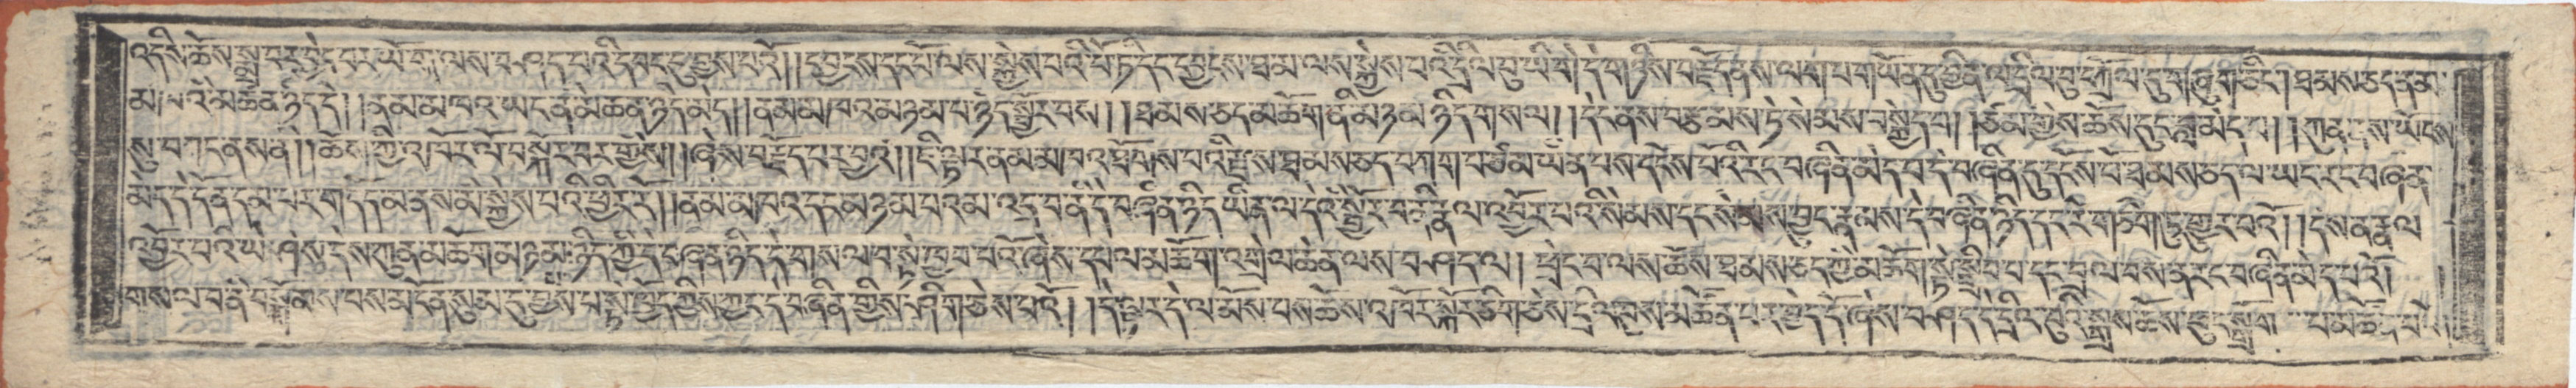འདིས་ཆོས་སྨྲ་བར་བྱེད་པར་ཡོ་ག་ལས་བཤད་པའི་དབང་དུ་བྱས་པའོ། །དབྱངས་དང་པོ་ལས་སྐྱེས་པའི་པོ་ཏི་དང་དབྱངས་ཐ་མ་ལས་སྐྱེས་པའི་དྲིལ་བུ་ཡི་གེ་དེ་གཉིས་བརྗོད་ནས་ལག་བ་གཡོན་དུ་བྱིན་ལ་དྲིལ་བུ་དཀྲོལ་དུ་གཞུག་ཅིང་། ཐམས་ཅད་ནམ་
མཁའི་མཚན་ཉིད་དེ། །ནམ་མཁའ་ཡང་ནི་མཚན་ཉིད་མེད། །ནམ་མཁའ་མཉམ་པ་ཉིད་སྦྱོར་བས། །ཐམས་ཅད་མཆོག་ནི་མཉམ་ཉིད་གསལ། །དེང་ནས་བརྩམས་ཏེ་སེམས་བསྐྱེད་པ། །ཙམ་གྱིས་ཆོས་དུང་བླ་མེད་པ། །ཀུན་ནས་ཡོངས་
སུ་བཀང་ནས་ནི། །ཆོས་ཀྱི་འཁོར་ལོ་བསྐོར་བར་གྱིས། །ཞེས་བརྗོད་པར་བྱའོ། །ཇི་ལྟར་ནམ་མཁའ་ཐོགས་པའི་རྫས་ཐམས་ཅད་བཀག་པ་ཙམ་ཡིན་པས་དངོས་པོའི་རང་བཞིན་མེད་པ་དེ་བཞིན་དུ་དངོས་པོ་ཐམས་ཅད་ལ་ཡང་རང་བཞིན་
མེད་དེ་དོན་དམ་པར་གདོད་མ་ནས་མི་སྐྱེས་པའི་ཕྱིར་རོ། །ནམ་མཁའ་དང་མཉམ་པའམ་འདྲ་བ་ནི་དེ་བཞིན་ཉིད་ཡིན་ལ་དེའི་སྦྱོར་བ་ནི་རྣལ་འབྱོར་པའི་སེམས་དང་སེམས་བྱུང་རྣམས་དེ་བཞིན་ཉིད་དང་རོ་གཅིག་ཏུ་གྱུར་པའོ། །དེས་ན་རྣལ་
འབྱོར་པའི་ཡེ་ཤེས་དེས་ཀུན་མཆོག་མཉམ་པ་ཉིད་ཀྱི་དེ་བཞིན་ཉིད་དེ་གསལ་བ་སྟེ་ཁྱབ་པའོ་ཞེས་དཔལ་མཆོག་འགྲེལ་ཚོན་ལས་བཤད་ལ། ཕྲེང་བ་ལས་ཆོས་ཐམས་ཅད་ཀྱི་མཆོག་སྟེ་སྒྲིབ་པ་དང་བྲལ་བས་ན་རང་བཞིན་མེད་པའོ། །
གསལ་བ་ནི་བསྒོམས་བས་མངོན་སུམ་དུ་བྱས་པ་སྟེ་ཁྱོད་ཀྱིས་ཀྱང་དེ་བཞིན་གྱིས་ཤིག་ཅེས་པའོ། །དེ་ལྟར་དེ་ལ་མོས་པས་ཆོས་འཁོར་སྐོར་ཅིག་ཅེས་དྲིལ་བུས་མཚོན་པར་བྱེད་དོ་ཞེས་བཤད་དེ་དྲིལ་བུའི་སྒྲས་ཆོས་ཕུང་སྒྲོག་པ་མཚོན་པའོ།